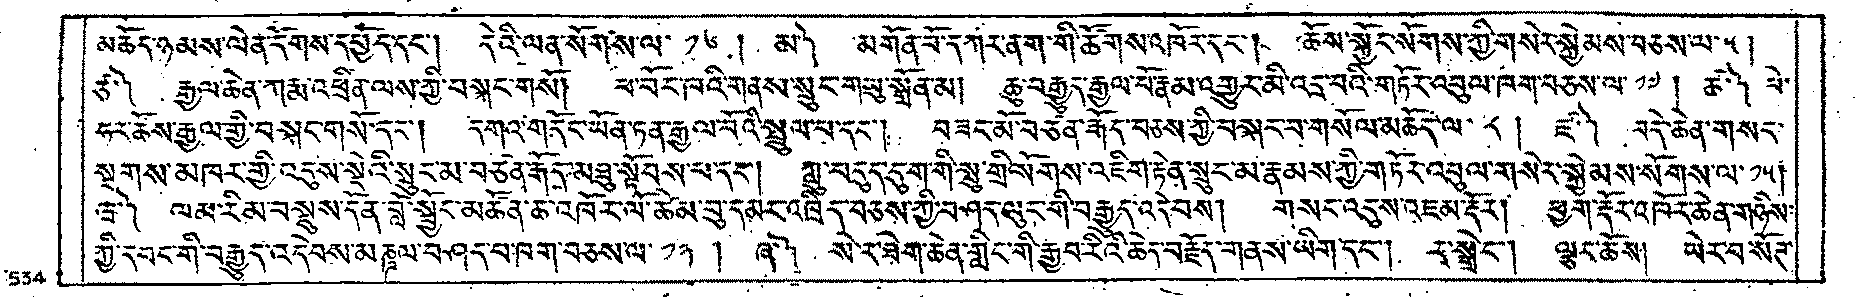མཆོད་ཉམས་ལེན་དོགས་དཔྱོད་དང་། དེའི་ལན་སོགས་ལ ༡༦། མ྄་མགོན་པོ་དཀར་ནག་གི་ཚོགས་འཁོར་དང་། ཆོས་སྐྱོང་སོགས་ཀྱི་གསེར་སྐྱེམས་བཅས་ལ ༥།
ཙ྄་རྒྱལ་ཆེན་ཀརྨ་འཕྲིན་ལས་ཀྱི་བསྐང་གསོ། ཕ་བོང་ཁའི་གནས་སྲུང་གཡུ་སྒྲོན་མ། ཆུ་བརྒྱུད་རྒྱལ་པོ་རྣམ་འགྱུར་མི་འདྲ་བའི་གཏོར་འབུལ་ཁག་བཅས་ལ ༡༧། ཚ྄་པེ་
ཧར་ཆོས་རྒྱལ་གྱི་བསྐང་གསོ་དང་། དགའ་གདོང་ཡོན་ཏན་རྒྱལ་པོའི་སྤྲུལ་པ་དང་། བཟང་མོ་བཙན་རྒོད་བཅས་ཀྱི་བསྐང་བ་གསོལ་མཆོད་ལ ༨། ཛ྄་བདེ་ཆེན་གསང་
སྔགས་མཁར་གྱི་འདུས་སྡེའི་སྲུང་མ་བཙན་རྒོད་མཐུ་སྟོབས་པ་དང་། ཀླུ་བདུད་དུག་གི་སྤུ་གྲི་སོགས་འཇིག་རྟེན་སྲུང་མ་རྣམས་ཀྱི་གཏོར་འབུལ་གསེར་སྐྱེམས་སོགས་ལ ༡༥།
ཝ྄་ལམ་རིམ་བསྡུས་དོན་བློ་སྦྱོང་མཚོན་ཆ་འཁོར་ལོ་ཚིམ་བུ་དམར་འཁྲིད་བཅས་ཀྱི་བཤད་ལུང་གི་བརྒྱུད་འདེབས། གསང་འདུས་འཇམ་རྡོར། ཕྱག་རྡོར་འཁོར་ཆེན་གཉིས་
ཀྱི་དབང་གི་བརྒྱུད་འདེབས་མཎྜལ་བཤད་པ་ཁག་བཅས་ལ ༡༢། ཞ྄་སེ་ར་ཐེག་ཆེན་གླིང་གི་རྒྱབ་རིའི་ཆེད་བརྗོད་གནས་ཡིག་དང་། རྭ་སྒྲེང་། ལྕང་ཆོས། ཡེར་བ་སོགས་